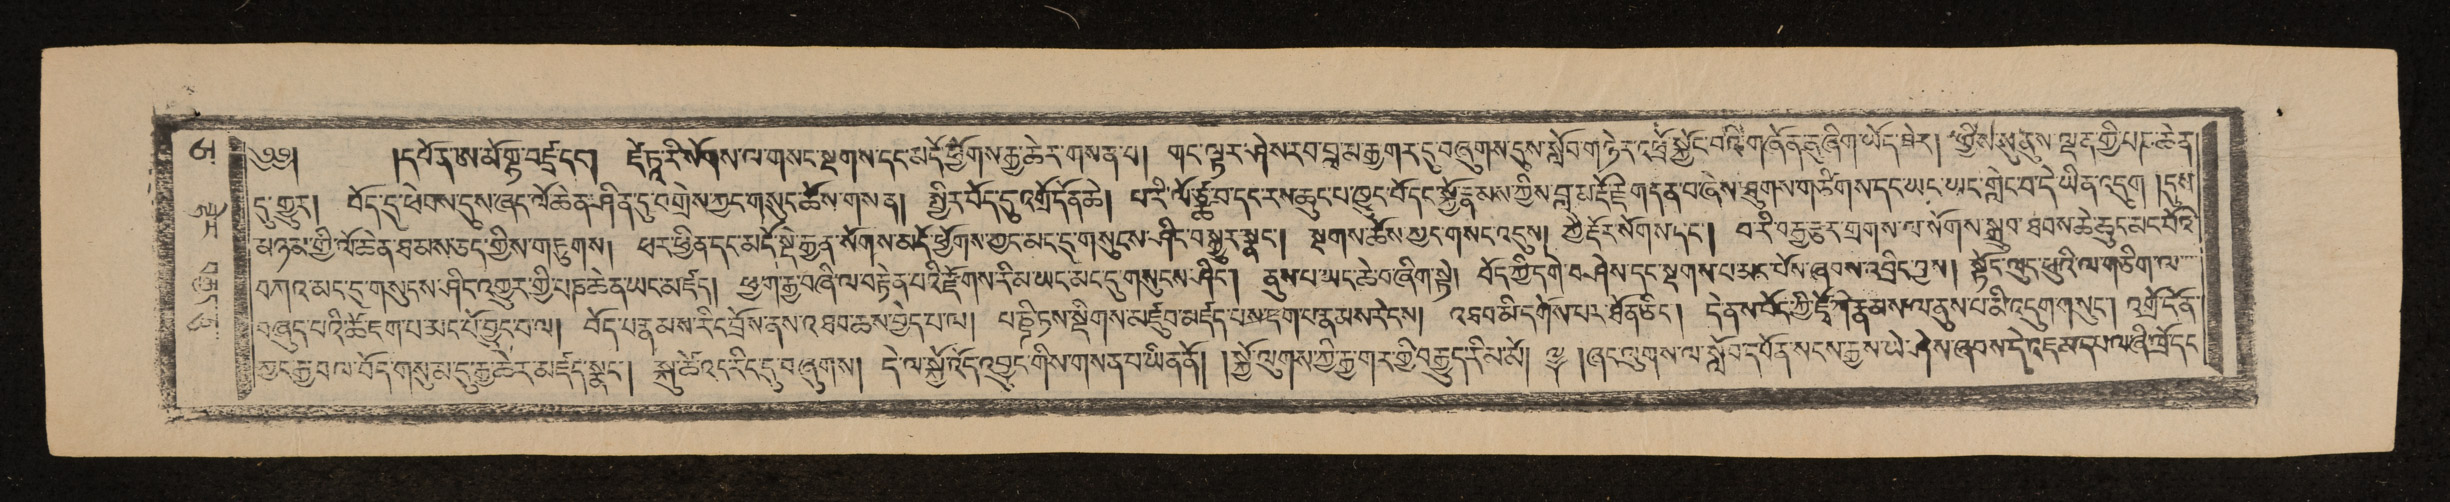༄༅། །དཔོན་ཨ་མོ་གྷ་བཛྲ་དང་། ཛེ་ཏཱ་རི་སོགས་ལ་གསང་སྔགས་དང་མདོ་ཕྱོགས་རྒྱ་ཆེར་གསན་པ། གང་ལྟར་ཤེས་རབ་བླ་མ་རྒྱ་གར་དུ་བཞུགས་དུས་སློབ་གཉེར་འཕྲོ་སྐྱོང་བའི་གཞོན་ནུ་ཞིག་ཡོད་ཟེར། ཕྱིས་སུ་ནུས་ལྡན་གྱི་པཎ་ཆེན་
དུ་གྱུར། བོད་དུ་ཕེབས་དུས་ཞང་ལོ་ཆེན་ཤིན་ཏུ་བགྲེས་ཀྱང་གསུང་ཆོས་གསན། སྤྱིར་བོད་དུ་འགྲོ་དོན་ཆེ། བ་རི་ལོཙྪ་བ་དང་རས་ཆུང་བ་ཁྱུད་པོ་དང་སྐྱོ་རྣམས་ཀྱིས་བླ་མ་རྡོ་རྗེ་གདན་པ་ཞེས་ཐུགས་གཅིག་ས་དང་ཡང་ཡང་གླེང་བ་དེ་ཡིན་འདུག །དུས་
མཉམ་གྱི་ལོ་ཆེན་ཐམས་ཅད་ཀྱིས་གཏུགས། ཕར་ཕྱིན་དང་མདོ་སྡེ་རྒྱན་སོགས་མདོ་ཕྱོགས་ཀྱང་མང་དུ་གསུངས་ཤིང་བསྒྱུར་སྣང་། སྔགས་ཆོས་ཀྱང་གསང་འདུས། ཀྱཻ་རྡོར་སོགས་དང་། བ་རི་བརྒྱ་རྩར་གྲགས་པ་སོགས་སྒྲུབ་ཐབས་ཆེ་ཆུང་མང་པོའི་
བཀའ་མང་དུ་གསུངས་ཤིང་འགྱུར་གྱི་པཎ་ཆེན་ཡང་མཛད། ཕྱག་རྒྱ་བཞི་ལ་བརྟེན་པའི་རྫོགས་རིམ་ཡང་མང་དུ་གསུངས་ཤིང་། ནུས་པ་ཡང་ཆེ་བ་ཞིག་སྟེ། བོད་ཀྱི་དགེ་བཤེས་དང་སྔགས་པ་མང་པོས་ཞབས་འབྲིང་བྱས། སྟོང་ལུང་ཕུའི་ལ་གཅིག་ལ་
བཞུད་པའི་ཚེ་ཇག་པ་མང་པོ་བྱུང་བ་ལ། བོད་པ་རྣམས་རིང་བྲོས་ནས་འཐབ་ཆས་བྱེད་པ་ལ། པཎྜི་ཏས་སྡིགས་མཛུབ་མཛད་པས་ཇག་པ་རྣམས་རེངས། འཐབ་མི་དགོས་པར་ཐོན་ཅིང་། དེ་ནས་བོད་ཀྱི་ཛྭོ་ཀི་རྣམས་ལ་ནུས་པ་མི་འདུག་གསུང་། འགྲོ་དོན་
ཀྱང་རྒྱ་བལ་བོད་གསུམ་དུ་རྒྱ་ཆེར་མཛད་སྣང་། སྐུ་ཚེའང་རིང་དུ་བཞུགས། དེ་ལ་སྐྱོ་འོད་འབྱུང་གིས་གསན་པ་ཡིན་ནོ། །སྐྱོ་ལུགས་ཀྱི་རྒྱ་གར་གྱི་བརྒྱུད་རིམ་མོ། ༈ །ཞང་ལུགས་ལ་སློབ་དཔོན་སངས་རྒྱས་ཡེ་ཤེས་ཞབས་དེ་འཇམ་དཔལ་ཞི་ཁྲོ་དང་